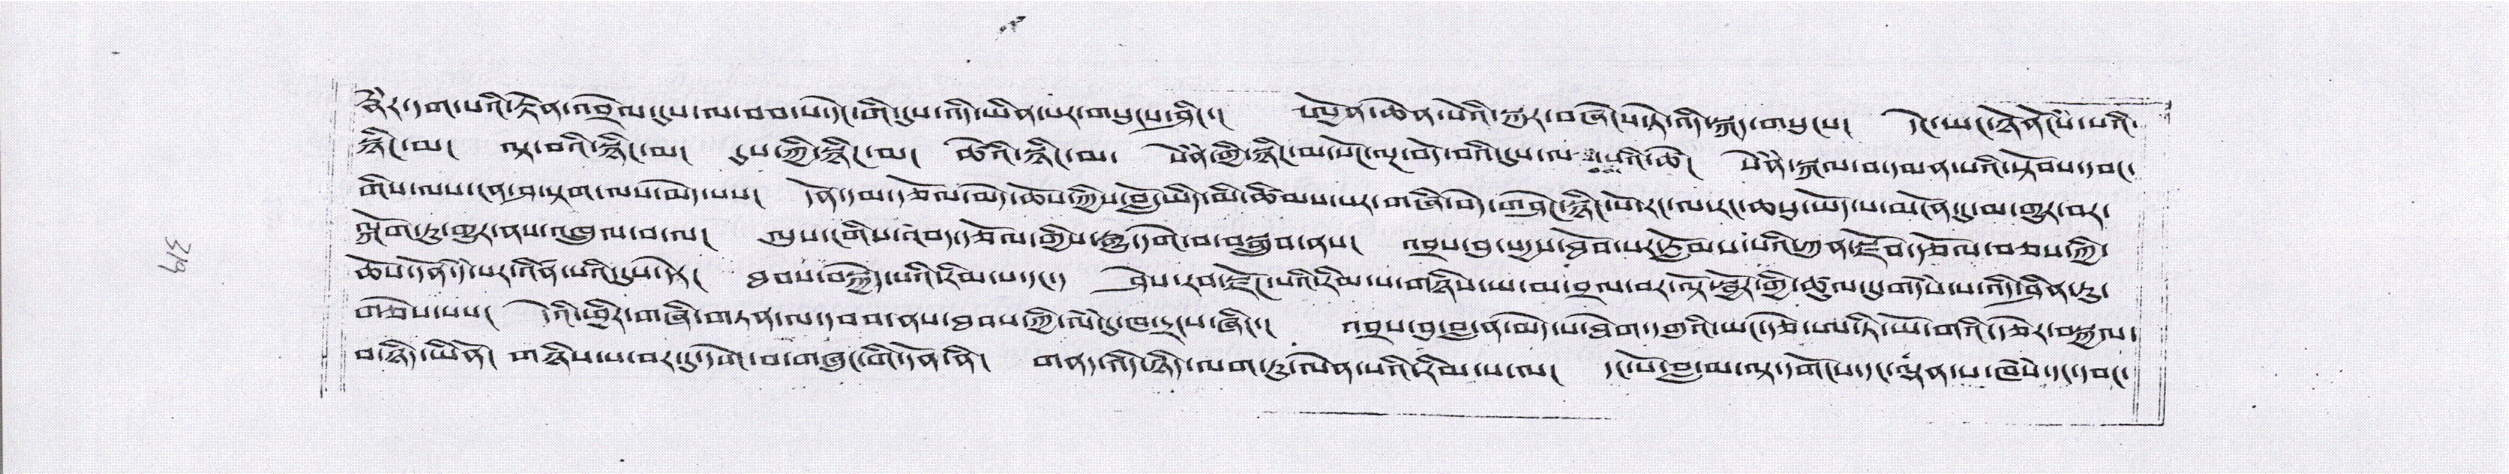རྣམ་པར་དག་པའི་རྟེན་འབྲེལ་དུས་ལ་བབ་པ་དེང་གི་དུས་འདི་ཡིན་པར་གསུངས་ཤིང། ཨོ་རྒྱན་ཆེན་པོའི་སྐུར་བཞེངས་ཏེ་འདི་སྐད་གསུངས། དེང་ཡང་ཉོན་མོངས་པའི་
སྙིགས་མ། ལྟ་བའི་སྙིགས་མ། དུས་ཀྱི་སྙིགས་མ། ཚེའི་སྙིགས་མ། སེམས་ཅན་གྱི་སྙིགས་མ་སོགས་ལྔ་བདོ་བའི་དུས་ལ་བབ་པའི་ཚེ། སེམས་ཅན་སྐལ་པ་དམན་པའི་སྟོབས་དབང་
གིས་ལས་ངན་ཤ་སྟག་ལས་མེད་པས། དོན་དམ་རྩོལ་མེད་ཆོས་ཀྱིས་བློ་ཡིད་མི་ཚིམས་པར་གཞི་བདེ་གཤེགས་སྙིང་པོ་རང་ལ་རང་ཆས་སུ་ཡོད་པ་མངོན་དུ་མ་གྱུར་བར་
ལྐོག་ཏུ་གྱུར་ནས་འཁྲུལ་བ་ལ། ལུས་ངག་གིས་འབད་རྩོལ་གྱིས་རྒྱུ་དགེ་བ་བསྒྲུབ་ནས། འབྲས་བུ་སངས་རྒྱས་ཐོབ་པར་རློམས་པའི་ཀུན་རྫོབ་རྩོལ་བཅས་ཀྱི་
ཆོས་དོན་དམ་པར་འཛིན་པའི་དུས་དེར། ཐབས་བསྐྱེད་པའི་རིམ་པ་དང། ཤེས་རབ་རྫོགས་པའི་རིམ་པ་གཉིས་ཡ་མ་བྲལ་བར་ལྟོ་སྦྱོར་གྱི་ཚུལ་དུ་གདམས་པ་འདི་ཤིན་ཏུ་
གཅེས་པས། དེའི་ཕྱིར་གཞི་གཏན་ལ་དབབ་ནས་ཐབས་ཀྱི་ལམ་དུ་ཁ་དྲངས་ཞིང། འབྲས་བུ་བླ་ན་མེད་པ་ཐེག་དགུའི་ཡང་རྩེ་ཨ་ཏི་ཡོ་གའི་རྩེར་བསྐྱལ་
བ་ཉིད་ཡིན་ནོ། གཉིས་པ་བར་དུ་དགེ་བ་གཞུང་གི་དོན་ནི། གནད་འདི་ཉིད་ལག་ཏུ་ལེན་པའི་རིམ་པ་ལ། དང་པོ་བླ་མ་ལྟ་དགོངས་དང་ལྡན་པ་ཁམས་དང་དབང་